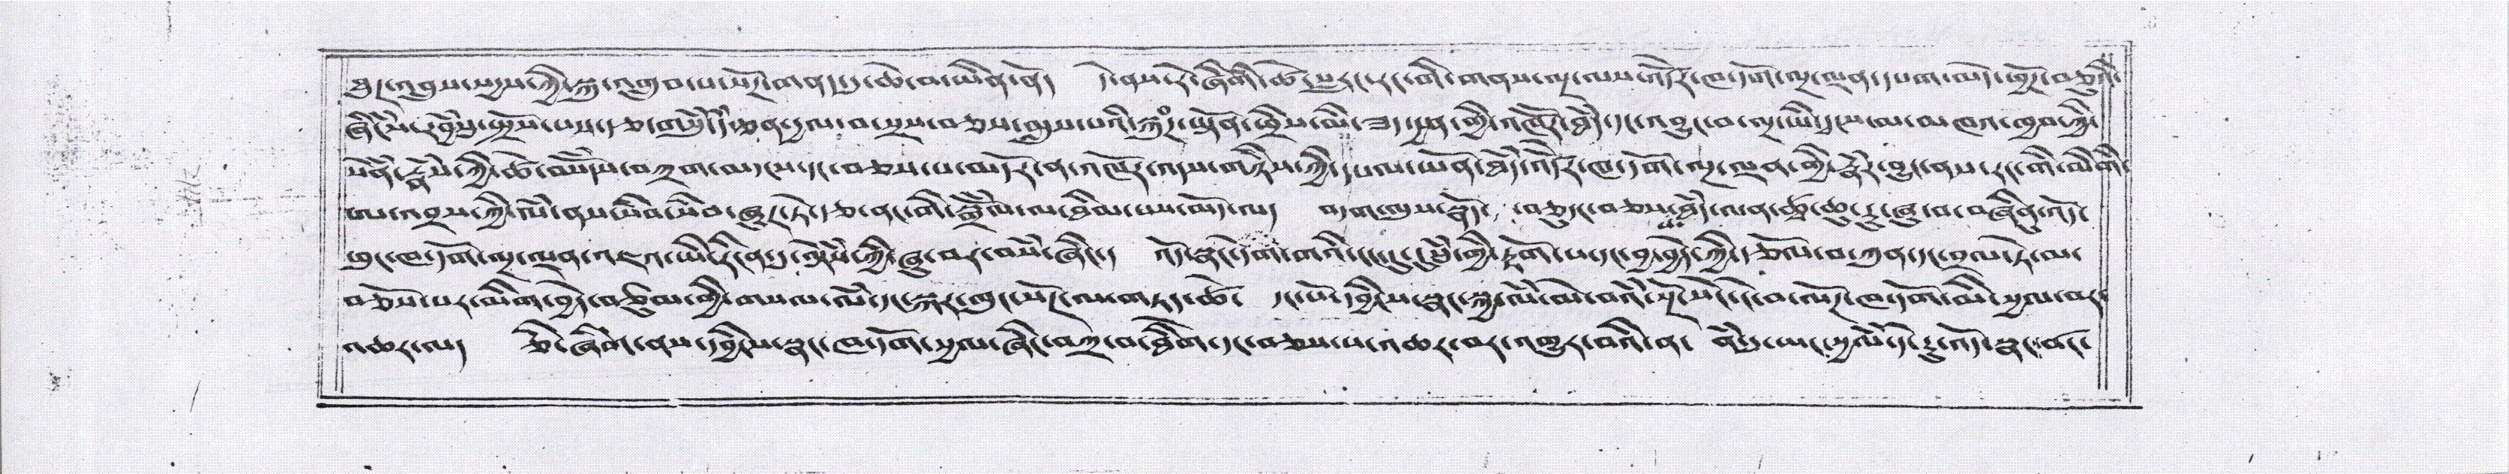ཐུག་འབྲས་བུ་སངས་རྒྱས་ཀྱི་སྐུ་འགྲུབ་པ་སོགས་གནད་དུ་ཆེ་བ་ཡིན་ནོ། དེ་ནས་རེ་ཞིག་གི་ཚེ་སླར་ཡང་རང་གི་གནས་ལྔ་ལས་འོད་ཟེར་ཁ་དོག་ལྔ་ལྡན་དཔག་མེད་ཕྱོགས་བཅུའི་
ཞིང་རབ་འབྱམས་སུ་སྤྲོས་པས་། རྩ་གསུམ་དམ་ཅན་རྒྱལ་བ་སྲས་བཅས་མ་ལུས་པའི་སྐུ་གསུང་ཐུགས་ཡོན་ཏན་འཕྲིན་ལས་མི་བཟད་རྒྱན་གྱི་འཁོར་ལོ་ཐམས་ཅད་དང་འབྱུང་བ་ལྔ་ཡི་དྭངས་མ་མཁའ་ཁྱབ་ཀྱི་
སེམས་ཅན་རྣམས་ཀྱི་ཚེ་བསོད་ནམས་བཀྲག་མདངས་དང་བཅས་པ་མདོར་ན་འཁོར་འདས་གཉིས་ཀྱི་དཔལ་ཡོན་ཐམས་ཅད་འོད་ཟེར་ཁ་དོག་ལྔ་ལྡན་གྱི་རྣམ་པར་བྱུང་ནས་རང་གི་མིག་གི་
ཨ་འབྲས་ཀྱི་ལམ་ནས་སིབ་སིབ་ཞུགས་ཏེ་རྩ་ནང་གི་སྒྲོམ་ལ་ཐིམ་པའི་མོད་ལ། བདག་ལུས་སྣོད་བཅུད་དང་བཅས་པ་ཐམས་ཅད་ལན་ཚྭ་ཆུ་རུ་ཞུ་བ་བཞིན་དུ་འོད་
ཕུང་ཁ་དོག་ལྔ་ལྡན་འཇའ་ཡི་རང་བཞིན་དུ་ལྟེམ་གྱིས་ཞུ་བར་བསམ་ཞིང་། འོད་སྣང་དེ་དག་གི་ངང་དུ་དུས་གསུམ་གྱི་རྟོག་པ་དང་བྱ་བྱེད་ཀྱི་རྩོལ་བ་ཀུན་དང་བྲལ་ཏེ་མ་
བཅོས་པར་མིག་ཕྱེད་བཙུམ་གྱིས་གསལ་ལམ་དང་སྐར་ཁུང་སོགས་ལ་གཏད་ཚེ། དང་པོ་དབྱིངས་སྣང་སྐྱ་ལམ་མེ་བའམ་སྔོ་སེང་ངེ་བ་ལ་སོགས་ཁ་དོག་མི་གསལ་བ་
འཆར་ལ། ཅི་ཞིག་ནས་དབྱིངས་སྣང་ཁ་དོག་གསལ་ཞིང་བཀྲ་བ་ཐིག་ལེ་དང་བཅས་པ་འཆར་བར་འགྱུར་བའི་ཕྱིར་ན། ནམ་དུའང་གསལ་ལམ་དེ་རུ་འོད་སྣང་བཟང་